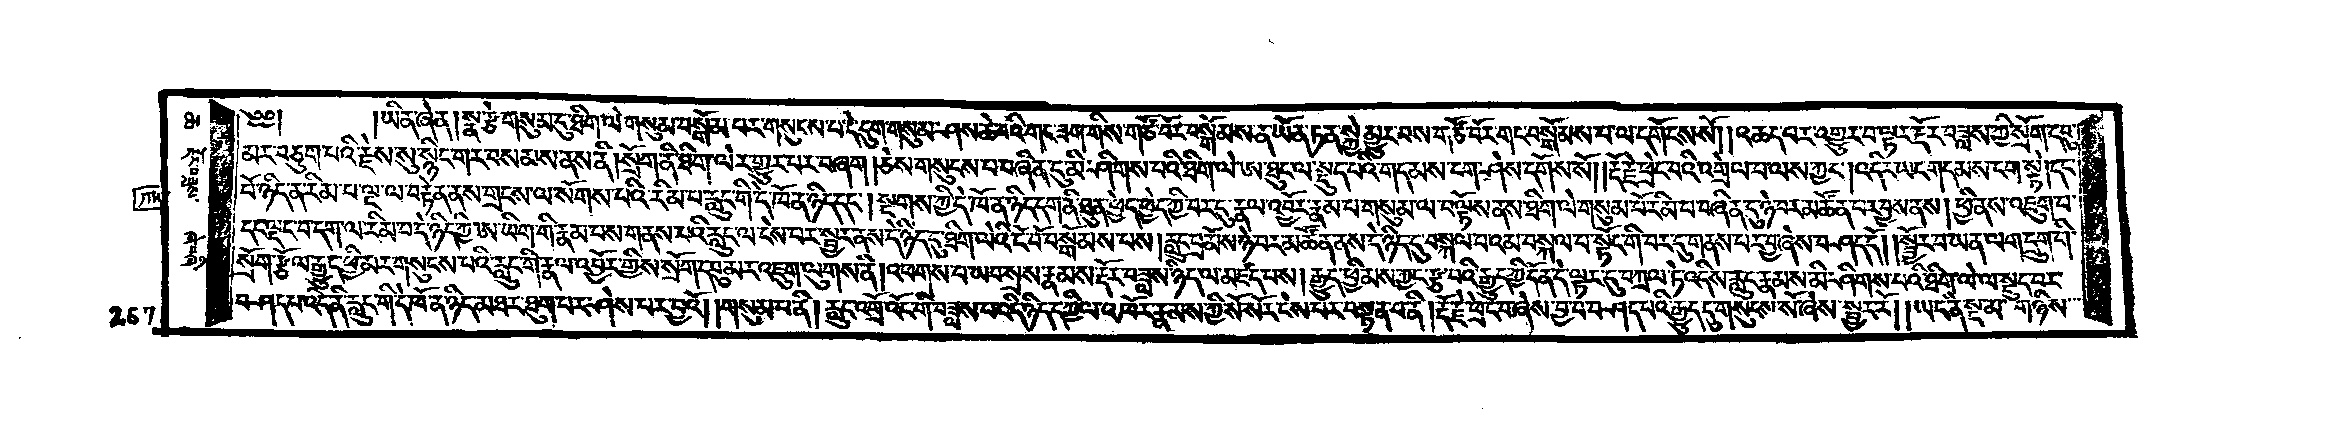༄༅། །ཡིན་ཞེ་ན། སྣ་རྩེ་གསུམ་དུ་ཐིག་ལེ་གསུམ་བསྒོམ་པར་གསུངས་པ་དེ་དུག་གསུམ་ཤས་ཆེ་བའི་གང་ཟག་གིས་གཙོ་བོར་བསྒོམས་ན་ཡོན་ཏན་སྐྱེ་མྱུར་བས་གཙོ་བོར་གང་བསྒོམས་པ་ལ་དགོངས་སོ། །འཆད་པར་འགྱུར་བ་ལྟར་རྡོར་བཟླས་ཀྱི་སྲོག་དབུ་
མར་བཅུག་པའི་རྗེས་སུ་སྙིང་གར་བསམས་ནས་ནི། སྲོག་ནི་ཐིག་ལེར་གྱུར་པར་བཞག །ཅེས་གསུངས་པ་བཞིན་དུ་མི་ཤིགས་པའི་ཐིག་ལེ་ཨ་ཐུང་ལ་སྡུད་པའི་གདམས་ངག་ཤེས་དགོས་སོ། །རྡོ་རྗེ་ཕྲེང་བའི་འགྲེལ་པ་ལས་ཀྱང་། འདིར་ཡང་གདམས་ངག་སྟེ། དང་
པོ་ཉིད་ན་རིམ་པ་ལྔ་ལ་བརྟེན་ནས་གྲངས་ལ་སོགས་པའི་རིམ་པ་རླུང་གི་དེ་ཁོ་ན་ཉིད་དང་། སྔགས་ཀྱི་དེ་ཁོ་ན་ཉིད་དག་ནི་ཐུན་ཕྱེད་ཕྱེད་ཀྱི་བར་དུ་རྣལ་འབྱོར་རྣམ་པ་གསུམ་ལ་བལྟོས་ནས་ཐིག་ལེ་གསུམ་པོ་རིམ་པ་བཞིན་དུ་ཉེ་བར་མཚོན་པར་བྱས་ནས། ཕྱི་ནས་འཇུག་པ་
དང་ལྡང་བ་དག་ལ་རིམ་པ་དེ་ཉིད་ཀྱི་ཨ་ཡིག་གི་རྣམ་པས་གནས་པའི་རླུང་ལ་ངེས་པར་སྦྱར་ནས་དེ་ཉིད་དུ་ཐིག་ལེའི་ངོ་བོ་བསྒོམས་པས། རླུང་ཕྲ་མོས་ཉེ་བར་མཚོན་ནས་དེ་ཉིད་དུ་བསྐལ་པ་འམ་བསྐལ་པ་སྟོང་གི་བར་དུ་གནས་པར་བྱ་ཞེས་བཤད་དོ། །སྦྱོར་བ་ཡན་ལག་དྲུག་གི་
སྲོག་རྩོལ་རྒྱུད་ཕྱི་མར་གསུངས་པའི་རླུང་གི་རྣལ་འབྱོར་གྱིས་སྲོག་དབུ་མར་འཇུག་ལུགས་ནི། འཕགས་པ་ཡབ་སྲས་རྣམས་རྡོར་བཟླས་ཉིད་ལ་མཛད་པས། རྒྱུད་ཕྱི་མས་ཀྱང་རྩ་བའི་རྒྱུད་ཀྱི་དོན་དེ་ལྟར་དུ་བཀྲལ་ཏེ་འདིས་རླུང་རྣམས་མི་ཤིགས་པའི་ཐིག་ལེ་ལ་སྡུད་པར་
བཤད་པ་འདི་ནི་རླུང་གི་དེ་ཁོ་ན་ཉིད་མཐར་ཐུག་པར་ཤེས་པར་བྱའོ། །གསུམ་པ་ནི། རླུང་འགྲོ་འོང་གི་བཟླས་པ་འདི་ཉིད་དཀྱིལ་འཁོར་རྣམས་ཀྱི་སོ་སོར་ངེས་པར་བསྟན་པ་ནི། རྡོ་རྗེ་ཕྲེང་བ་ཞེས་བྱ་བ་བཤད་པའི་རྒྱུད་དུ་གསུངས་སོ་ཞེས་སྦྱར་རོ། །ཡང་ནི་སྔ་མ་གཉིས་